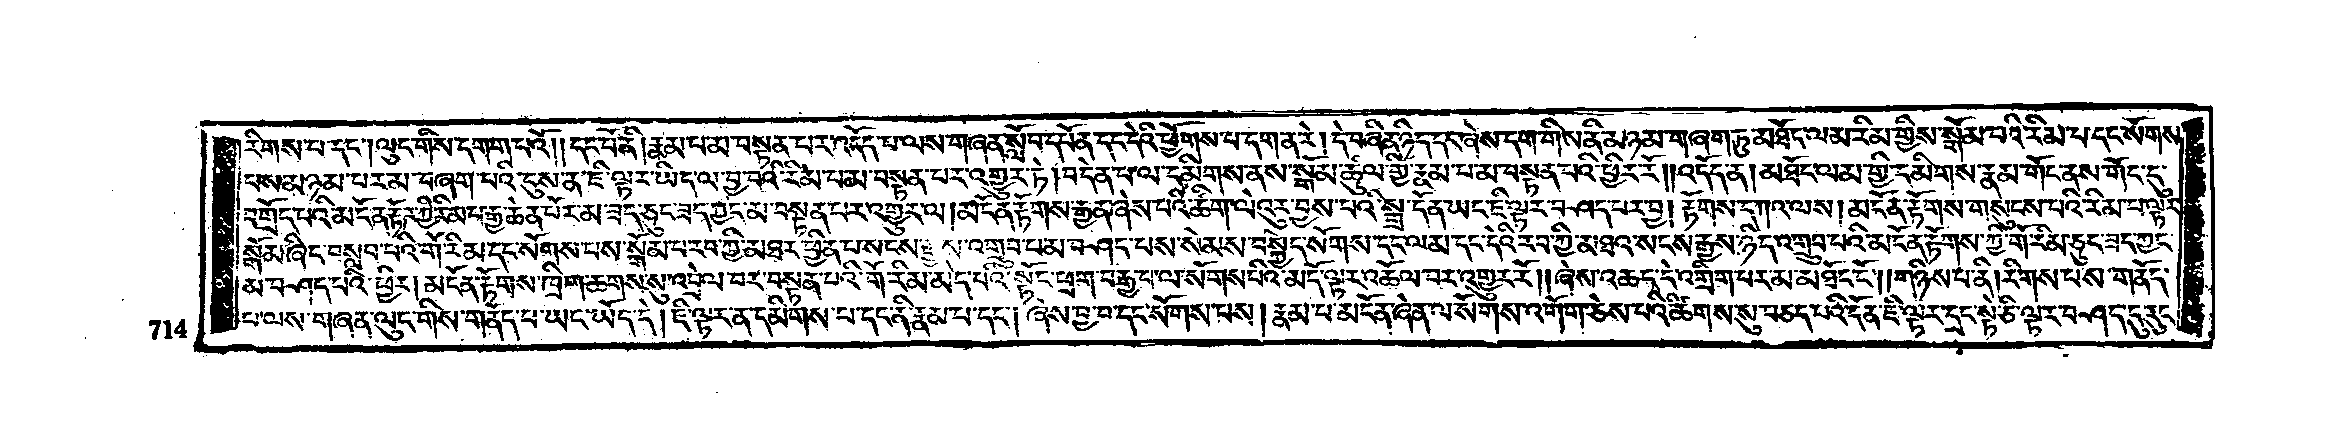རིགས་པ་དང་། ལུང་གིས་དགག་པའོ། །དང་པོ་ནི། རྣམ་པ་མ་བསྟན་པར་འདོད་པ་ལས་གཞན་སློབ་དཔོན་དང་དེའི་ཕྱོགས་པ་དག་ན་རེ། དེ་བཞིན་ཉིད་དང་ཞེས་དག་གིས་ནི་མཉམ་གཞག་ཏུ་མཐོང་ལམ་རིམ་གྱིས་སྒོམ་པའི་རིམ་པ་དང་སོགས་
པས་མཉམ་པར་མ་བཞག་པའི་དུས་ན་ཇི་ལྟར་ཡིད་ལ་བྱ་བའི་རིམ་པ་མ་བསྟན་པར་འགྱུར་ཏེ། བདེན་པ་ལ་དམིགས་ནས་སྒོམ་ཚུལ་གྱི་རྣམ་པ་མ་བསྟན་པའི་ཕྱིར་རོ། །འདོད་ན། མཐོང་ལམ་གྱི་དམིགས་རྣམ་གོང་ནས་གོང་དུ་
བགྲོད་པའི་མངོན་རྟོགས་ཀྱི་རིམ་པ་རྒྱ་ཆེན་པོར་མ་ཟད་ཅུང་ཟད་ཀྱང་མ་བསྟན་པར་འགྱུར་ལ། མངོན་རྟོགས་རྒྱན་ཞེས་པའི་ཚིག་ལེའུར་བྱས་པའི་སྒྲ་དོན་ཡང་ཇི་ལྟར་བཤད་པར་བྱ། རྟོགས་དཀའ་ལས། མངོན་རྟོགས་གསུངས་པའི་རིམ་པ་ལྟར་
སྒོམ་ཞིང་བསླབ་པའི་གོ་རིམ་དང་སོགས་པས་སྒོམ་པ་རབ་ཀྱི་མཐར་ཕྱིན་པ་སངས་རྒྱས་འགྲུབ་པ་མ་བཤད་པས་སེམས་བསྐྱེད་སོགས་དང་ལམ་དང་དེའི་རབ་ཀྱི་མཐའ་སངས་རྒྱས་ཉིད་འགྲུབ་པའི་མངོན་རྟོགས་ཀྱི་གོ་རིམ་ཅུང་ཟད་ཀྱང་
མ་བཤད་པའི་ཕྱིར། མངོན་རྟོགས་ཁྲིག་ཆགས་སུ་འབྲེལ་བར་བསྟན་པའི་གོ་རིམ་མེད་པའི་སྟོང་ཕྲག་བརྒྱ་བ་ལ་སོགས་པའི་མདོ་ལྟར་འཆོལ་བར་འགྱུར་རོ། །ཞེས་འཆད་དེ་འགྲིག་པར་མ་མཐོང་ངོ། །གཉིས་པ་ནི། རིགས་པས་གནོད་
པ་ལས་གཞན་ལུང་གིས་གནོད་པ་ཡང་ཡོད་དེ། ཇི་ལྟར་ན་དམིགས་པ་དང་ནི་རྣམ་པ་དང་། ཞེས་བྱ་བ་དང་སོགས་པས། རྣམ་པ་མངོན་ཞེན་ལ་སོགས་འགོག་ཅེས་པའི་ཚིགས་སུ་བཅད་པའི་དོན་ཇི་ལྟར་དྲང་སྟེ་ཅི་ལྟར་བཤད་དུ་རུང་